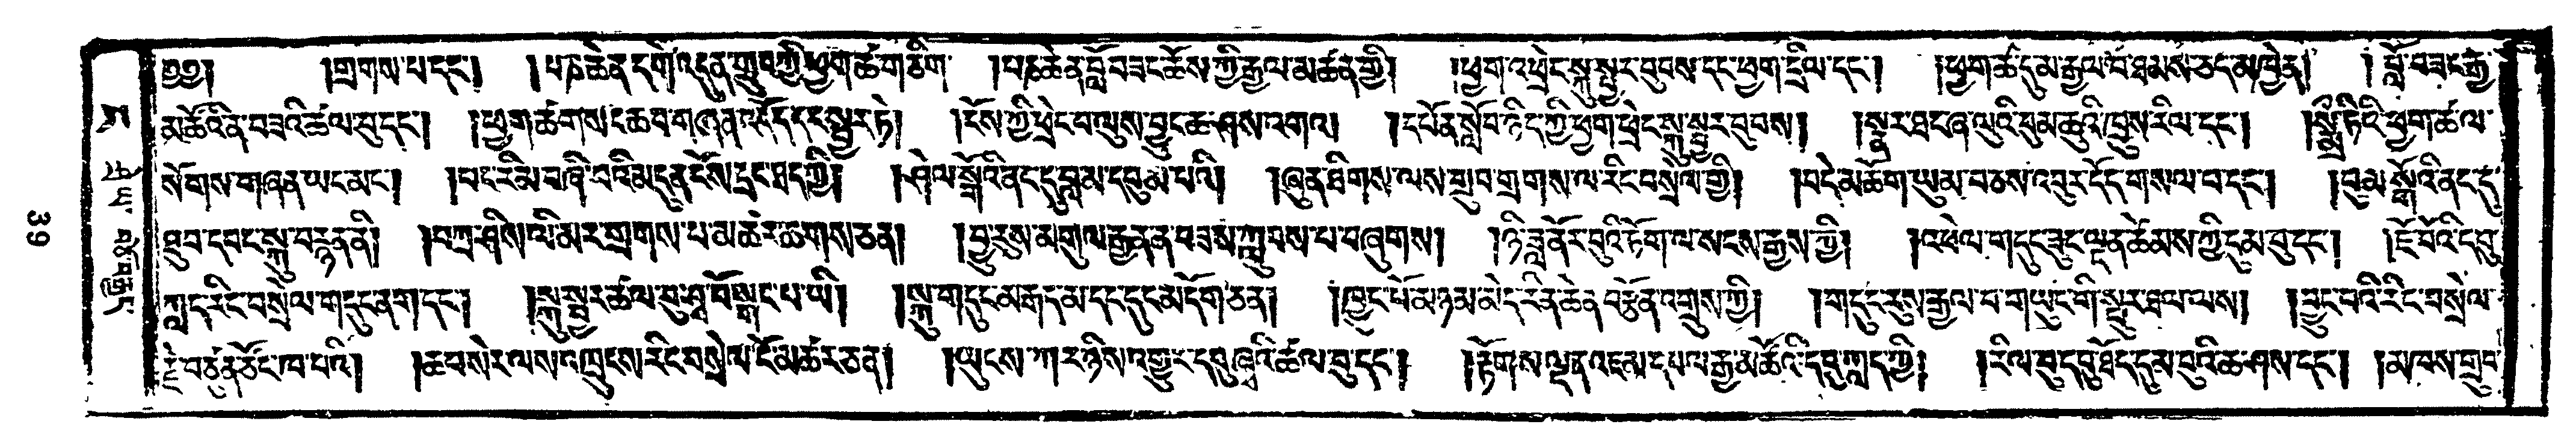༄༅། །གྲགས་པ་དང་། །པཎ་ཆེན་དགེ་འདུན་གྲུབ་ཀྱི་ཕྱག་ཚ་གཅིག །པཎ་ཆེན་བློ་བཟང་ཆོས་ཀྱི་རྒྱལ་མཚན་གྱི། །ཕྱག་འཕྲེང་སྐུ་སྤྱར་བུབས་དང་ཕྱག་དྲིལ་དང་། །ཕྱག་ཚ་དུ་མ་རྒྱལ་བ་ཐམས་ཅད་མཁྱེན། །བློ་བཟང་རྒྱ་
མཚོའི་ན་བཟའི་ཚལ་བུ་དང་། །ཕྱག་ཚ་གསང་ཆབ་གཞན་འདོད་དང་སྦྱར་ཏེ། །ངོས་ཀྱི་ཕྲེང་བ་ལུས་བྱུང་ཆ་ཤས་འགའ། །དཔོན་སློབ་ཉིད་ཀྱི་ཕྱག་ཕྲེང་སྐུ་སྦྱར་བུབས། །སྣར་ཐང་ཞ་ལུའི་བུམ་ཆུའི་ཁྲུས་རིལ་དང་། །སྨྲྀ་ཏིའི་ཕྱག་ཚ་ལ་
སོགས་གཞན་ཡང་མང་། །བང་རིམ་བཞི་བའི་མདུན་ངོས་དྲང་ཐད་ཀྱི། །ཤེལ་སྒོའི་ནང་དུ་བླ་མ་དབུ་མ་པའི། །ཞུན་ཐིགས་ལས་གྲུབ་གྲགས་ལ་རིང་བསྲེལ་གྱི། །བདེ་མཆོག་ཡུམ་བཅས་འབུར་དོད་གསལ་བ་དང་། །བུམ་སྒོའི་ནང་དུ་
ཐུབ་དབང་སྐུ་བརྙན་ནི། །བཀྲ་ཤིས་ལི་མར་གྲགས་པ་མཚར་ཆགས་ཅན། །བྱུ་རུས་མགུལ་རྒྱན་ན་བཟས་ཀླུབས་པ་བཞུགས། །ཉི་ཟླ་ནོར་བུའི་ཏོག་ལ་སངས་རྒྱས་ཀྱི། །འཕེལ་གདུང་ཟུང་ལྡན་ཚེམས་ཀྱི་དུམ་བུ་དང་། །ཇོ་བོའི་དབུ་
ཀླད་རིང་བསྲེལ་གདུང་ནག་དང་། །སྐུ་སྦྱར་ཚལ་བུ་ཤྭ་བོ་སྒང་པ་ཡི། །སྐུ་གདུང་མརྒད་མ་དང་དུང་མདོག་ཅན། །ཁྱུང་པོ་མཉམ་མེད་རིན་ཆེན་བརྩོན་འགྲུས་ཀྱི། །གདུང་རུས་རྒྱལ་བ་གཡུང་གི་སྤུར་ཐལ་ལས། །བྱུང་བའི་རིང་བསྲེལ་
རྗེ་བཙུན་ཙོང་ཁ་པའི། །ཆབ་སེར་ལས་འཁྲུངས་རིང་བསྲེལ་ངོ་མཚར་ཅན། །ཡུངས་ཀར་ཉིས་འགྱུར་དབུ་ཞྭའི་ཚལ་བུ་དང་། །རྟོགས་ལྡན་འཇམ་དཔལ་རྒྱ་མཚོའི་དབུ་ཀླད་ཀྱི། །རིལ་བུ་དབུ་ཐོད་དུམ་བུའི་ཆ་ཤས་དང་། །མཁས་གྲུབ་